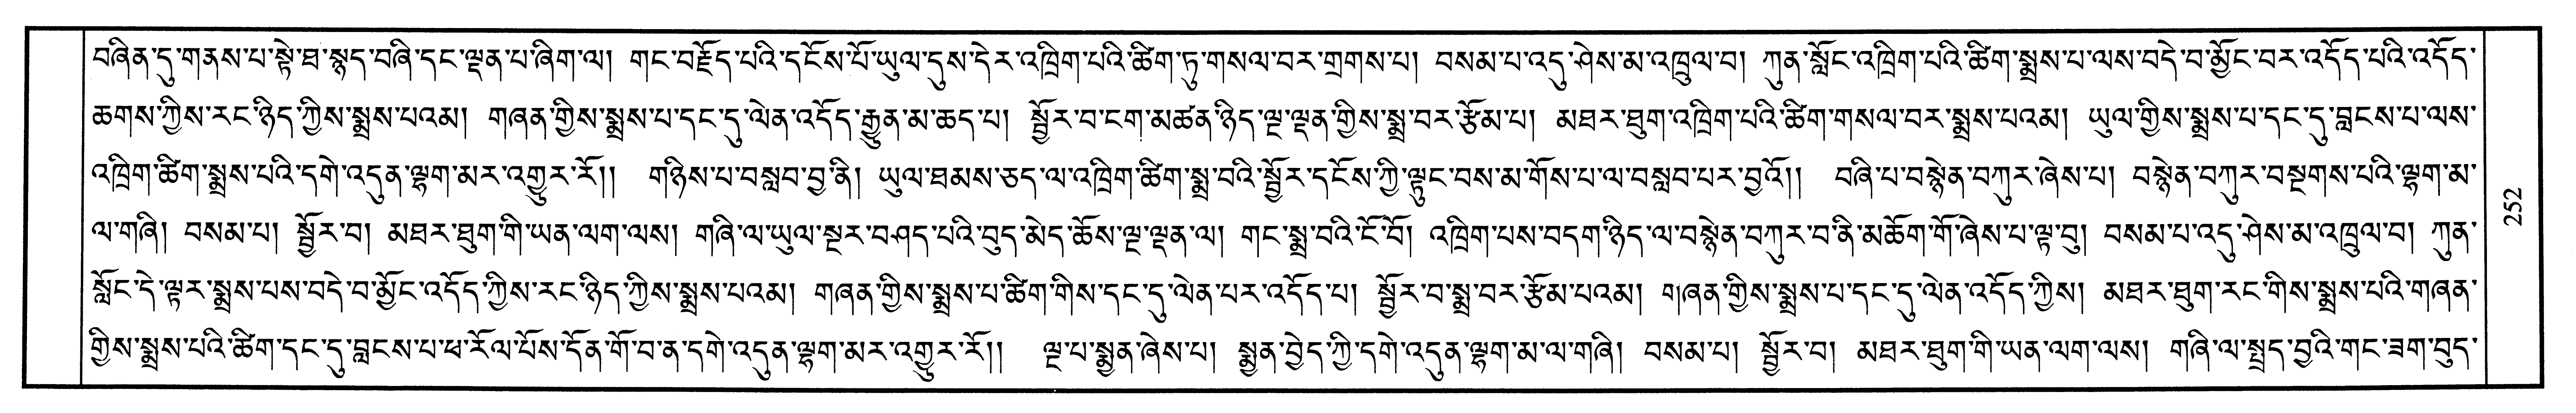བཞིན་དུ་གནས་པ་སྟེ་ཐ་སྙད་བཞི་དང་ལྡན་པ་ཞིག་ལ། གང་བརྗོད་པའི་དངོས་པོ་ཡུལ་དུས་དེར་འཁྲིག་པའི་ཚིག་ཏུ་གསལ་བར་གྲགས་པ། བསམ་པ་འདུ་ཤེས་མ་འཁྲུལ་བ། ཀུན་སློང་འཁྲིག་པའི་ཚིག་སྨྲས་པ་ལས་བདེ་བ་མྱོང་བར་འདོད་པའི་འདོད་
ཆགས་ཀྱིས་རང་ཉིད་ཀྱིས་སྨྲས་པའམ། གཞན་གྱིས་སྨྲས་པ་དང་དུ་ལེན་འདོད་རྒྱུན་མ་ཆད་པ། སྦྱོར་བ་ངག་མཚན་ཉིད་ལྔ་ལྡན་གྱིས་སྨྲ་བར་རྩོམ་པ། མཐར་ཐུག་འཁྲིག་པའི་ཚིག་གསལ་བར་སྨྲས་པའམ། ཡུལ་གྱིས་སྨྲས་པ་དང་དུ་བླངས་པ་ལས་
འཁྲིག་ཚིག་སྨྲས་པའི་དགེ་འདུན་ལྷག་མར་འགྱུར་རོ།། གཉིས་པ་བསླབ་བྱ་ནི། ཡུལ་ཐམས་ཅད་ལ་འཁྲིག་ཚིག་སྨྲ་བའི་སྦྱོར་དངོས་ཀྱི་ལྟུང་བས་མ་གོས་པ་ལ་བསླབ་པར་བྱའོ།། བཞི་པ་བསྙེན་བཀུར་ཞེས་པ། བསྙེན་བཀུར་བསྔགས་པའི་ལྷག་མ་
ལ་གཞི། བསམ་པ། སྦྱོར་བ། མཐར་ཐུག་གི་ཡན་ལག་ལས། གཞི་ལ་ཡུལ་སྔར་བཤད་པའི་བུད་མེད་ཆོས་ལྔ་ལྡན་ལ། གང་སྨྲ་བའི་ངོ་བོ། འཁྲིག་པས་བདག་ཉིད་ལ་བསྙེན་བཀུར་བ་ནི་མཆོག་གོ་ཞེས་པ་ལྟ་བུ། བསམ་པ་འདུ་ཤེས་མ་འཁྲུལ་བ། ཀུན་
སློང་དེ་ལྟར་སྨྲས་པས་བདེ་བ་མྱོང་འདོད་ཀྱིས་རང་ཉིད་ཀྱིས་སྨྲས་པའམ། གཞན་གྱིས་སྨྲས་པ་ཚིག་གིས་དང་དུ་ལེན་པར་འདོད་པ། སྦྱོར་བ་སྨྲ་བར་རྩོམ་པའམ། གཞན་གྱིས་སྨྲས་པ་དང་དུ་ལེན་འདོད་ཀྱིས། མཐར་ཐུག་རང་གིས་སྨྲས་པའི་གཞན་
གྱིས་སྨྲས་པའི་ཚིག་དང་དུ་བླངས་པ་ཕ་རོལ་པོས་དོན་གོ་བ་ན་དགེ་འདུན་ལྷག་མར་འགྱུར་རོ།། ལྔ་པ་སྨྱན་ཞེས་པ། སྨྱན་བྱེད་ཀྱི་དགེ་འདུན་ལྷག་མ་ལ་གཞི། བསམ་པ། སྦྱོར་བ། མཐར་ཐུག་གི་ཡན་ལག་ལས། གཞི་ལ་སྤྲད་བྱའི་གང་ཟག་བུད་